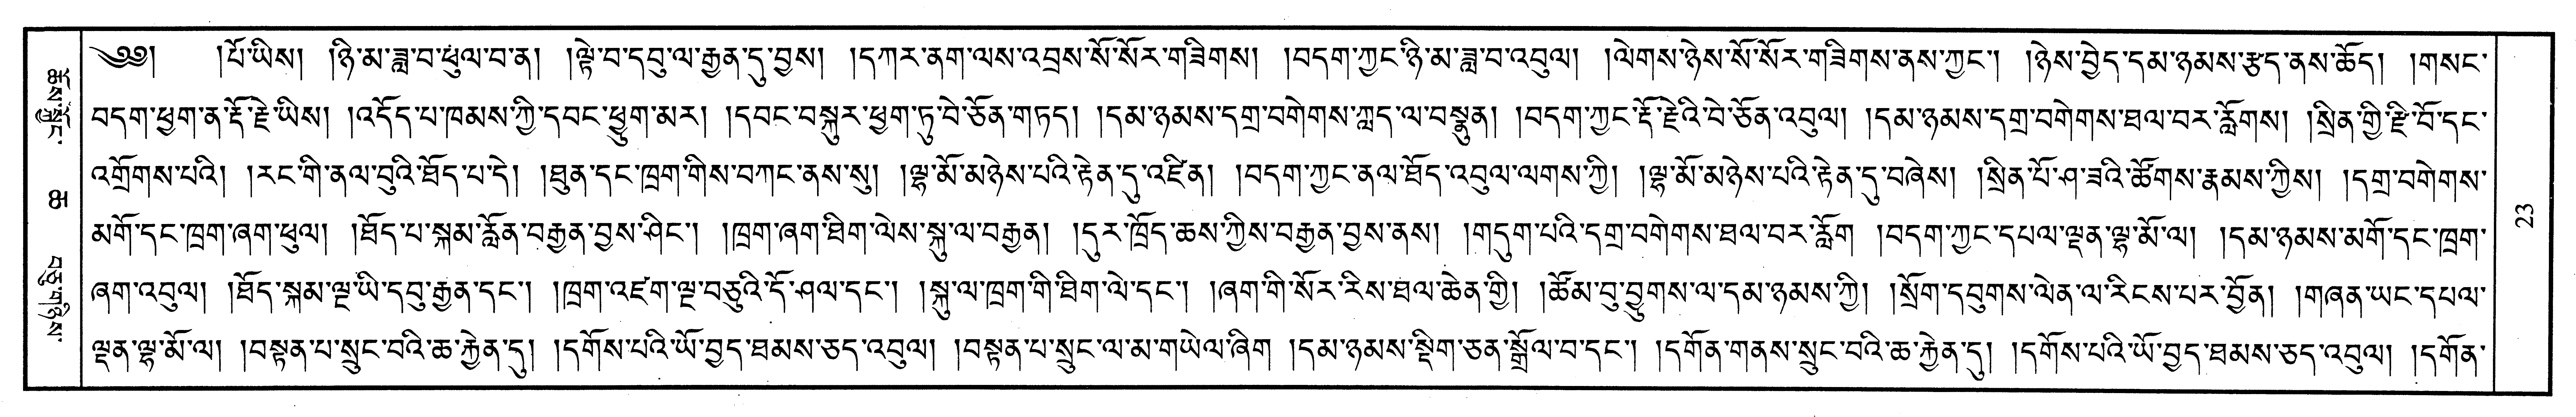༄༅། །པོ་ཡིས། །ཉི་མ་ཟླ་བ་ཕུལ་བ་ན། །ལྟེ་བ་དབུ་ལ་རྒྱན་དུ་བྱས། །དཀར་ནག་ལས་འབྲས་སོ་སོར་གཟིགས། །བདག་ཀྱང་ཉི་མ་ཟླ་བ་འབུལ། །ལེགས་ཉེས་སོ་སོར་གཟིགས་ནས་ཀྱང་། །ཉེས་བྱེད་དམ་ཉམས་རྩད་ནས་ཆོད། །གསང་
བདག་ཕྱག་ན་རྡོ་རྗེ་ཡིས། །འདོད་པ་ཁམས་ཀྱི་དབང་ཕྱུག་མར། །དབང་བསྐུར་ཕྱག་ཏུ་བེ་ཅོན་གཏད། །དམ་ཉམས་དགྲ་བགེགས་ཀླད་ལ་བསྣུན། །བདག་ཀྱང་རྡོ་རྗེའི་བེ་ཅོན་འབུལ། །དམ་ཉམས་དགྲ་བགེགས་ཐལ་བར་རློགས། །སྲིན་གྱི་རྫི་བོ་དང་
འགྲོགས་པའི། །རང་གི་ནལ་བུའི་ཐོད་པ་དེ། །ཐུན་དང་ཁྲག་གིས་བཀང་ནས་སུ། །ལྷ་མོ་མཉེས་པའི་རྟེན་དུ་འཛིན། །བདག་ཀྱང་ནལ་ཐོད་འབུལ་ལགས་ཀྱི། །ལྷ་མོ་མཉེས་པའི་རྟེན་དུ་བཞེས། །སྲིན་པོ་ཤ་ཟའི་ཚོགས་རྣམས་ཀྱིས། །དགྲ་བགེགས་
མགོ་དང་ཁྲག་ཞག་ཕུལ། །ཐོད་པ་སྐམ་རློན་བརྒྱན་བྱས་ཤིང་། །ཁྲག་ཞག་ཐིག་ལེས་སྐུ་ལ་བརྒྱན། །དུར་ཁྲོད་ཆས་ཀྱིས་བརྒྱན་བྱས་ནས། །གདུག་པའི་དགྲ་བགེགས་ཐལ་བར་རློག །བདག་ཀྱང་དཔལ་ལྡན་ལྷ་མོ་ལ། །དམ་ཉམས་མགོ་དང་ཁྲག་
ཞག་འབུལ། །ཐོད་སྐམ་ལྔ་ཡི་དབུ་རྒྱན་དང་། །ཁྲག་འཛག་ལྔ་བཅུའི་དོ་ཤལ་དང་། །སྐུ་ལ་ཁྲག་གི་ཐིག་ལེ་དང་། །ཞག་གི་སོར་རིས་ཐལ་ཆེན་གྱི། །ཚོམ་བུ་བྱུགས་ལ་དམ་ཉམས་ཀྱི། །སྲོག་དབུགས་ལེན་ལ་རིངས་པར་བྱོན། །གཞན་ཡང་དཔལ་
ལྡན་ལྷ་མོ་ལ། །བསྟན་པ་སྲུང་བའི་ཆ་རྐྱེན་དུ། །དགོས་པའི་ཡོ་བྱད་ཐམས་ཅད་འབུལ། །བསྟན་པ་སྲུང་ལ་མ་གཡེལ་ཞིག །དམ་ཉམས་སྡིག་ཅན་སྒྲོལ་བ་དང་། །དགོན་གནས་སྲུང་བའི་ཆ་རྐྱེན་དུ། །དགོས་པའི་ཡོ་བྱད་ཐམས་ཅད་འབུལ། །དགོན་